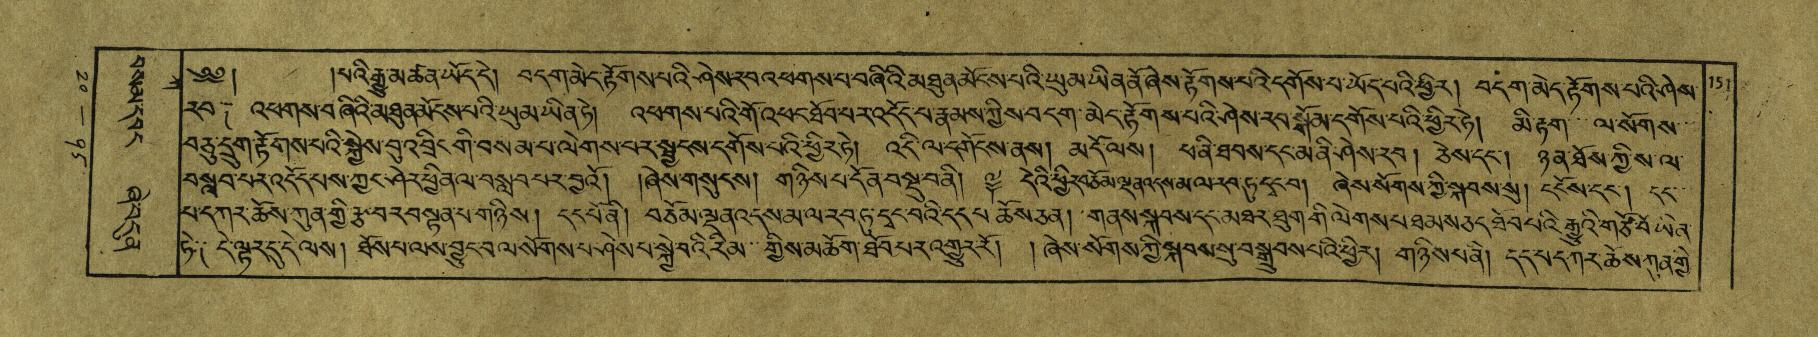༄༅། །པའི་རྒྱུ་མཚན་ཡོད་དེ། བདག་མེད་རྟོགས་པའི་ཤེས་རབ་འཕགས་པ་བཞིའི་མཐུན་མོངས་པའི་ཡུམ་ཡིན་ནོ་ཞེས་རྟོགས་པའི་དགོས་པ་ཡོད་པའི་ཕྱིར། བདག་མེད་རྟོགས་པའི་ཤེས་
རབ༑ འཕགས་བཞིའི་མཐུན་མོངས་པའི་ཡུམ་ཡིན་ཏེ། འཕགས་པའི་གོ་འཕང་ཐོབ་པར་འདོད་པ་རྣམས་ཀྱིས་བདག་མེད་རྟོགས་པའི་ཤེས་རབ་སྒོམ་དགོས་པའི་ཕྱིར་ཏེ། མི་རྟག་ལ་སོགས་
བཅུ་དྲུག་རྟོགས་པའི་སྐྱེས་བུ་འབྲིང་གི་བསམ་པ་ལེགས་པར་སྦྱངས་དགོས་པའི་ཕྱིར་ཏེ། འདི་ལ་དགོངས་ནས། མདོ་ལས། ཕ་ནི་ཐབས་དང་མ་ནི་ཤེས་རབ། ཅེས་དང་། ཉན་ཐོས་ཀྱི་ས་ལ་
བསླབ་པར་འདོད་པས་ཀྱང་ཤེར་ཕྱིན་ལ་བསླབ་པར་བྱའོ། །ཞེས་གསུངས། གཉིས་པ་དོན་བསྡུ་བ་ནི། ༈ དེའི་ཕྱིར་བཅོམ་ལྡན་འདས་མ་ལ་རབ་ཏུ་དྭང་བ། ཞེས་སོགས་ཀྱི་སྐབས་སུ། དངོས་དང་། དང་
པ་དཀར་ཆོས་ཀུན་གྱི་རྩ་བར་བསྟན་པ་གཉིས། དང་པོ་ནི། བཅོམ་ལྡན་འདས་མ་ལ་རབ་ཏུ་དྭང་བའི་དད་པ་ཆོས་ཅན། གནས་སྐབས་དང་མཐར་ཐུག་གི་ལེགས་པ་ཐམས་ཅད་ཐོབ་པའི་རྒྱུའི་གཙོ་བོ་ཡིན་
ཏེ༑ དེ་ལྟར་དུ་དེ་ལས། ཐོས་པ་ལས་བྱུང་བ་ལ་སོགས་པ་ཤེས་པ་སྐྱེ་བའི་རིམ་གྱིས་མཆོག་ཐོབ་པར་འགྱུར་རོ། །ཞེས་སོགས་ཀྱི་སྐབས་སུ་བསྒྲུབས་པའི་ཕྱིར། གཉིས་པ་ནི། དད་པ་དཀར་ཆོས་ཀུན་གྱི་